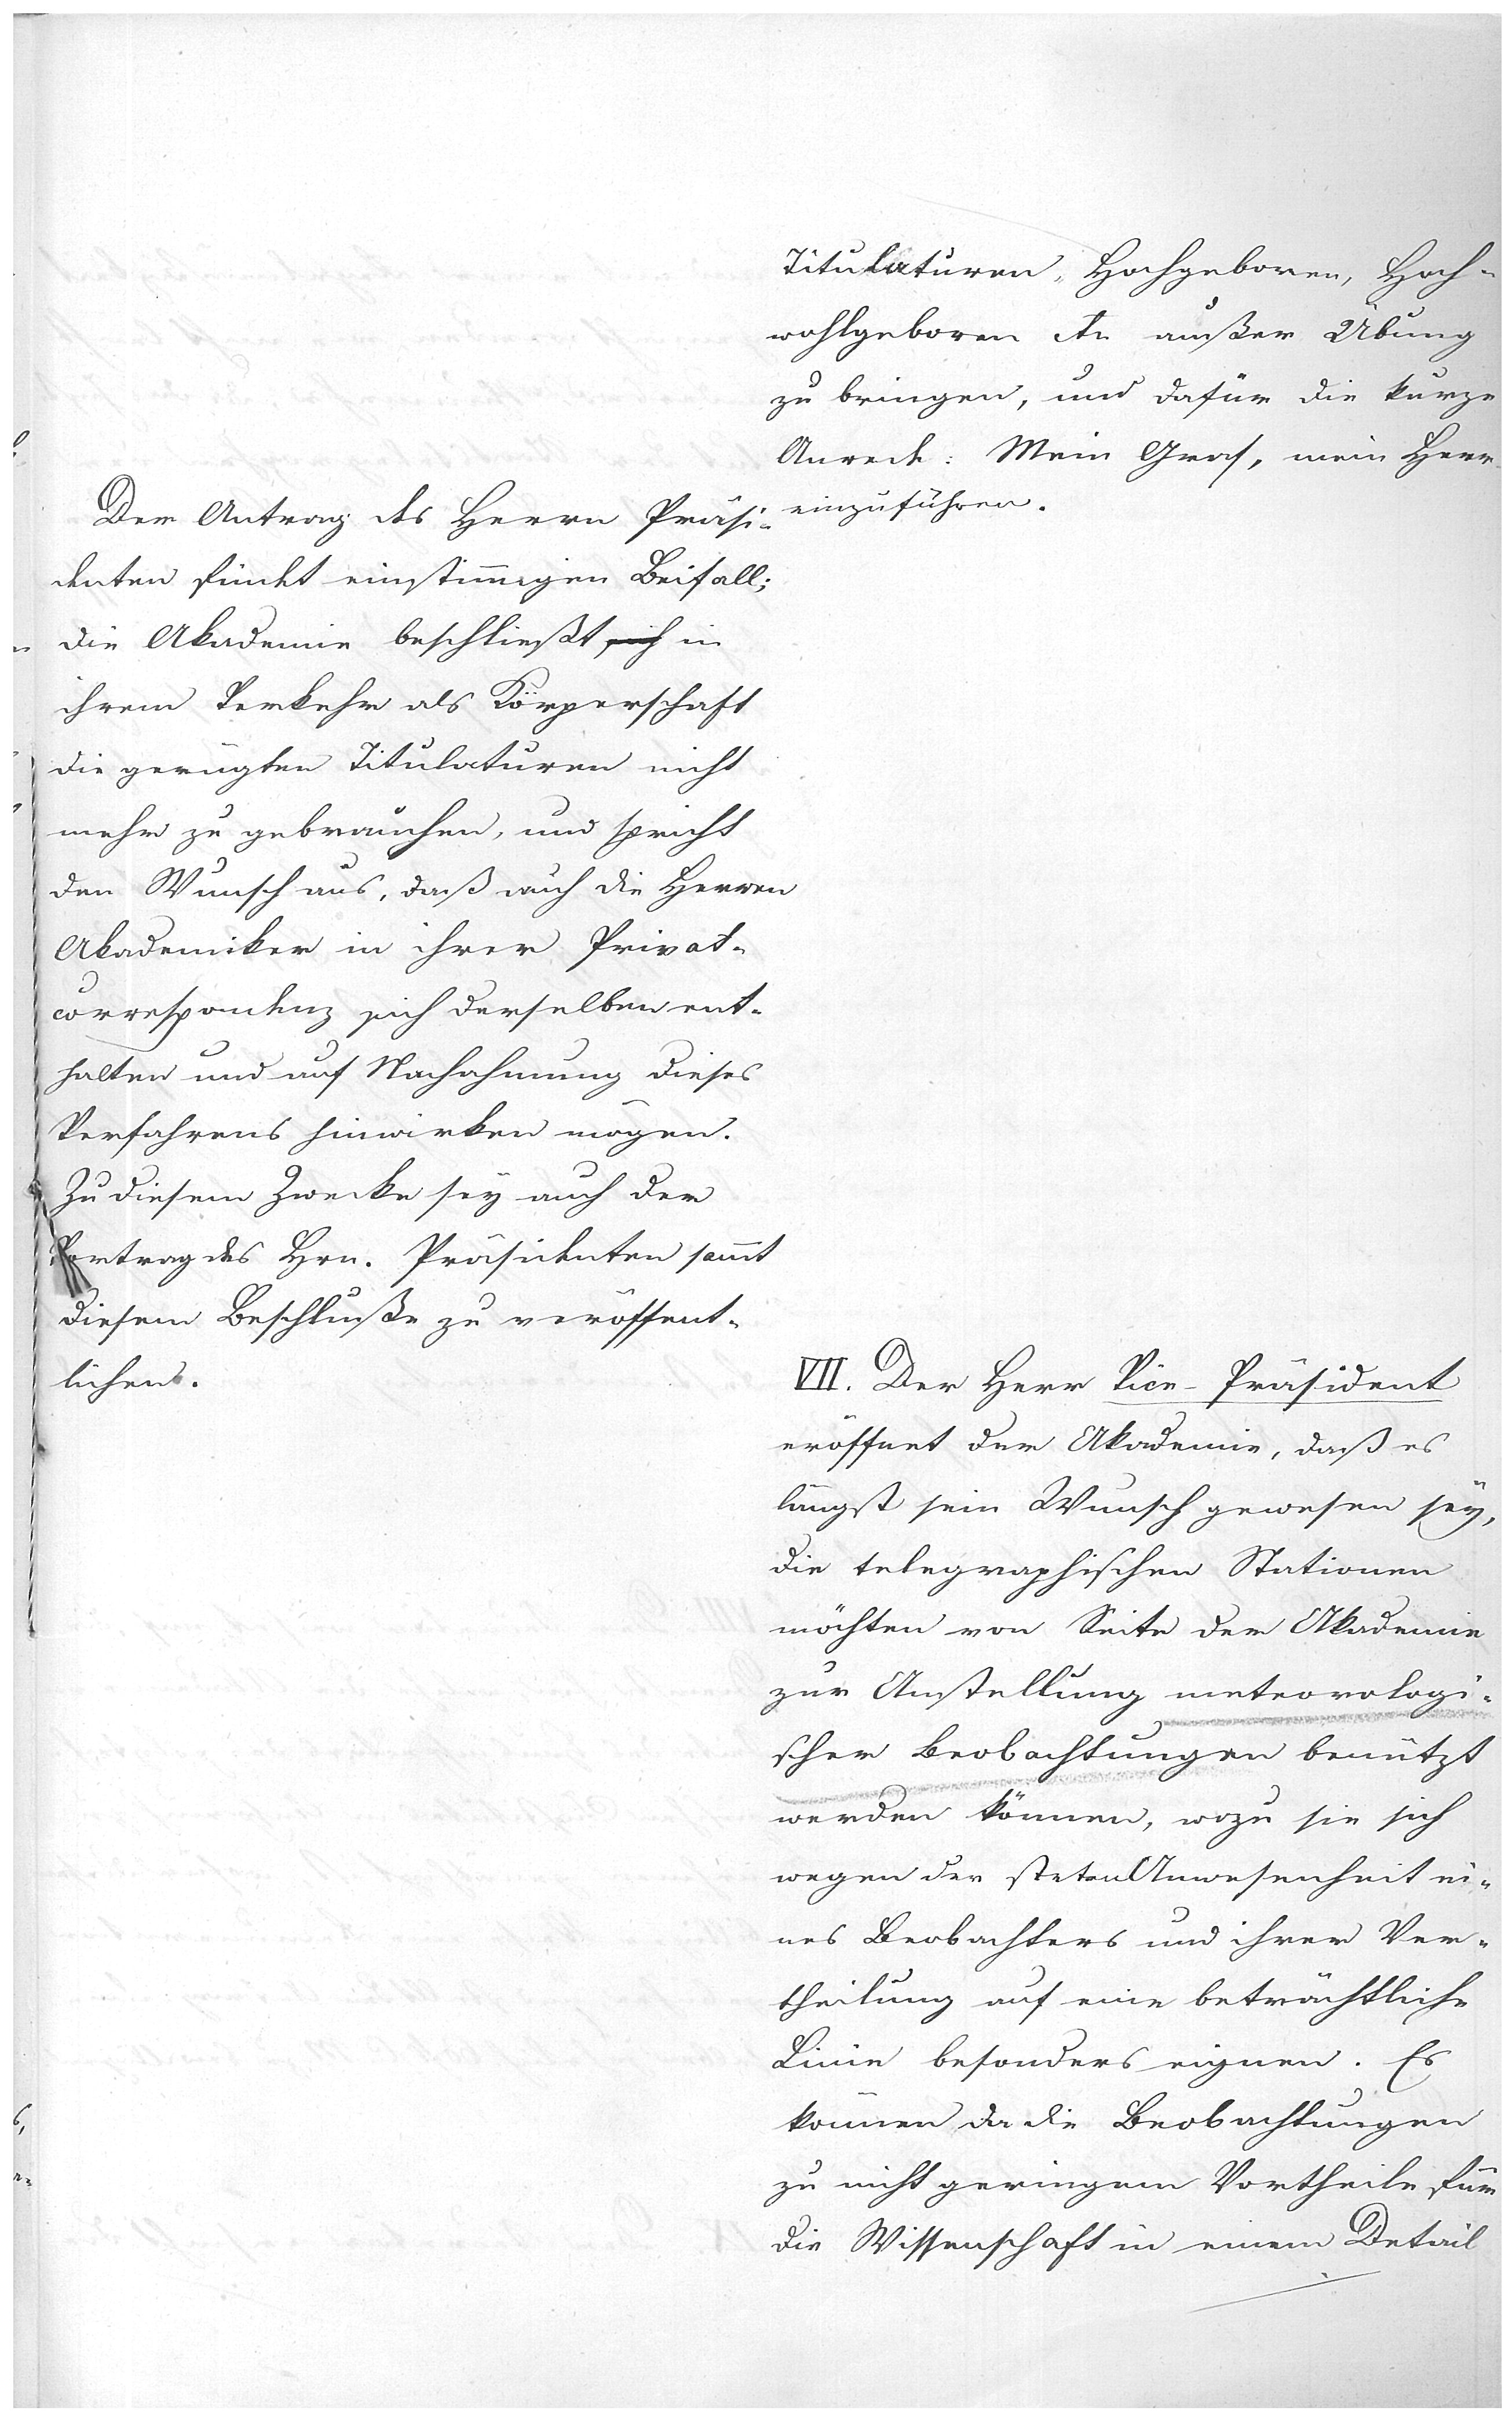Titulaturen Hochgeboren, Hoch-
wohlgeboren etc. außer Übung
zu bringen, und dafür die kurze
Anrede: Mein Graf, mein Herr
einzuführen.
Der Antrag des Herrn Präsidi-
denten findet einstmmigen Beifall;
die Akademie beschließt sich in
ihren Verkehr als Körperschaft
die gerügten Titulaturen nicht
mehr zu gebrauchen, und spricht
den Wunsch aus, daß sich die Herren
Akademiker in ihrer Privat-
correspondenz sich derselbe ent-
halten und auf Nachahmung dieses
Verfahren hinwirken mögen.
In diesen Zwecke sey auch der
Vortrag des Hrn. Präsidenten sammt
diesem Beschluße zu veröffent-
lichen.
VII. Der Herr Vice-Präsident
veröffnet der Akademie, daß es
längst sein Wunsch gewesen sey,-
die telegraphischen Stationen
möchten von Seite der Akademie
zur Anstellung meteorologi-
scher Beobachtungen benützt
werden können, wozu sie sich
wegen der steten Anwesenheit ei-
nes Beobachters und ihrer Ver-
theilung auf eine beträchtliche
Linie besonders eigenen. Es
können da die Beobachtungen
zu nicht geringem Vortheile für
die Wissenschaft in einen Detail